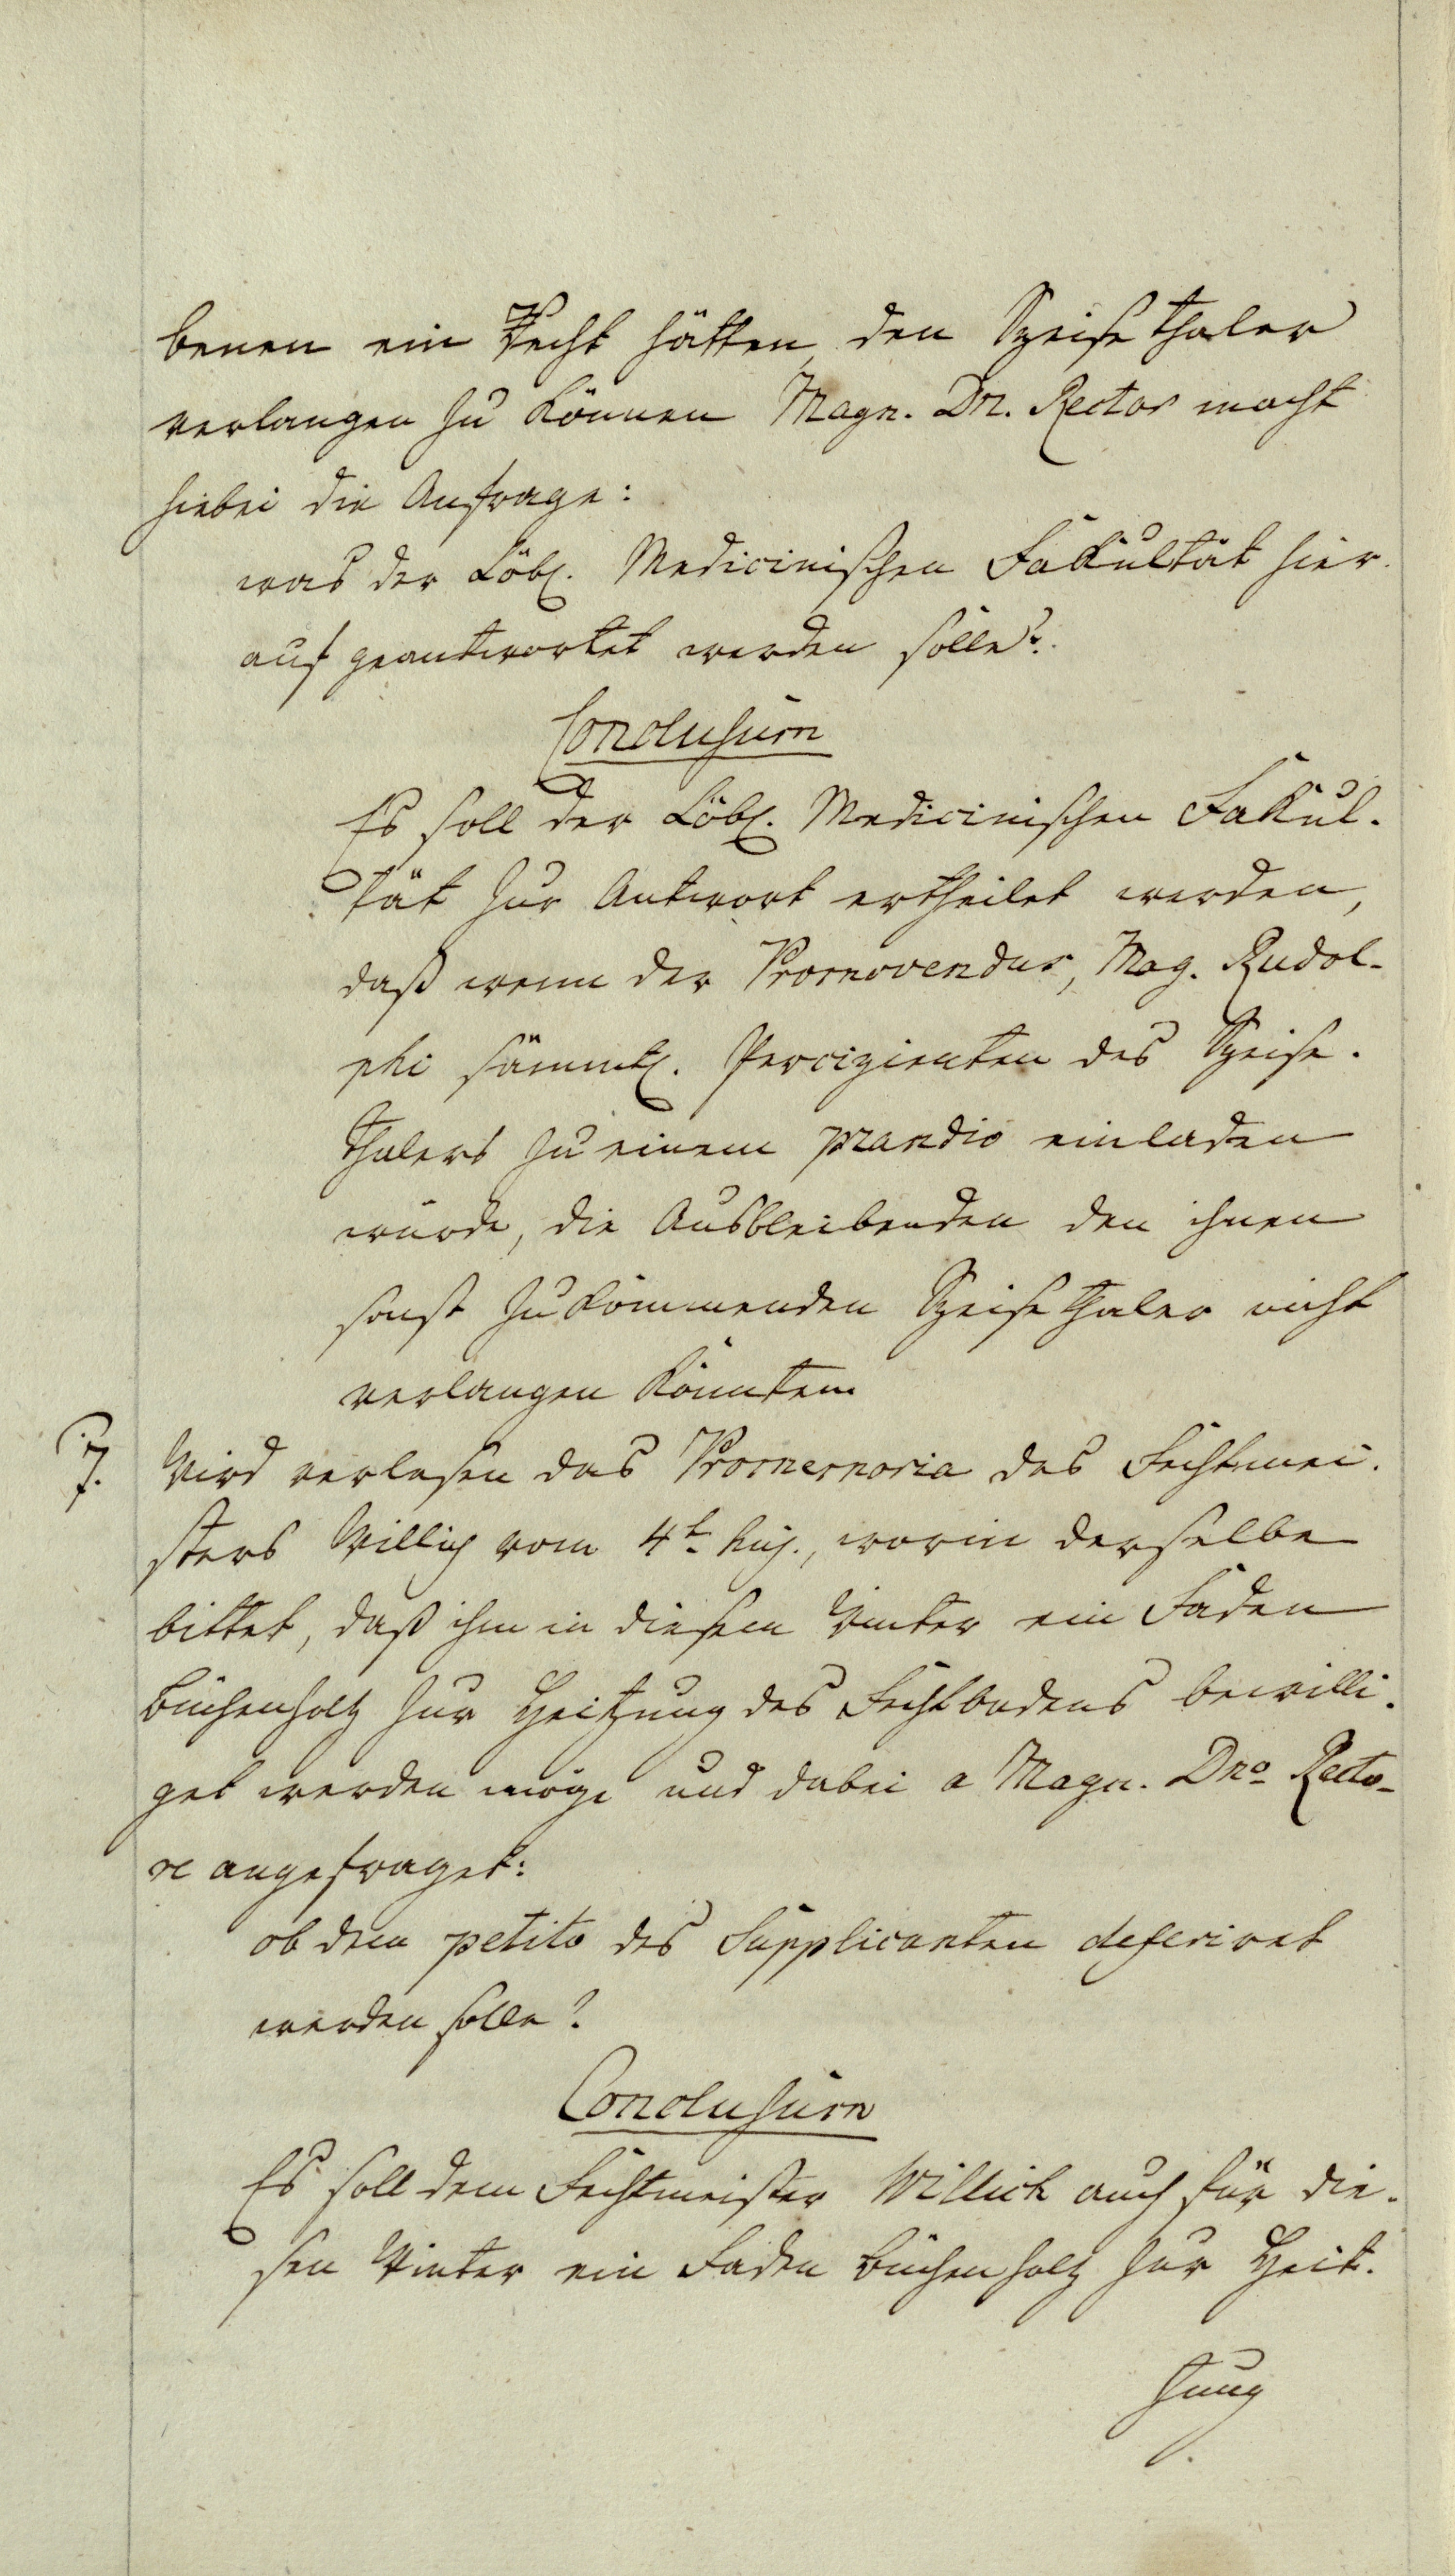benen ein Recht hätten, den Speisethaler
verlangen zu können. Magn. Dn. Rector macht
hiebei die Anfrage:
was der Löbl. Medicinischen Fakultät hier¬
auf geantwortet werden solle?
Conclusum
Es soll der Löbl. Medicinischen Fakul¬
tät zur Antwort ertheilet werden,
daß wenn der Promovendus, Mag. Rudol¬
phi sämmtl. Percipienten des Speise
Thalers zu einem prandio einladen
würde, die Ausbleibenden den ihnen
sonst zukommenden Speisethaler nicht
verlangen könnten.
7. Wird verlesen das Promemoria des Fechtmei¬
sters Willich vom 4 t huj., worin derselbe
bittet, daß ihm in diesem Winter ein Faden
Büchenholz zur Heitzung des Fechtbodens bewilli¬
get werden möge und dabei a Magn. Dn. Recto¬
re angefraget:
ob dem petito des Supplicanten deferiret
werden solle?
Conclusum
Es soll dem Fechtmeister Willich auch für die¬
sen Winter ein Faden Büchenholz zur Heit¬
zung